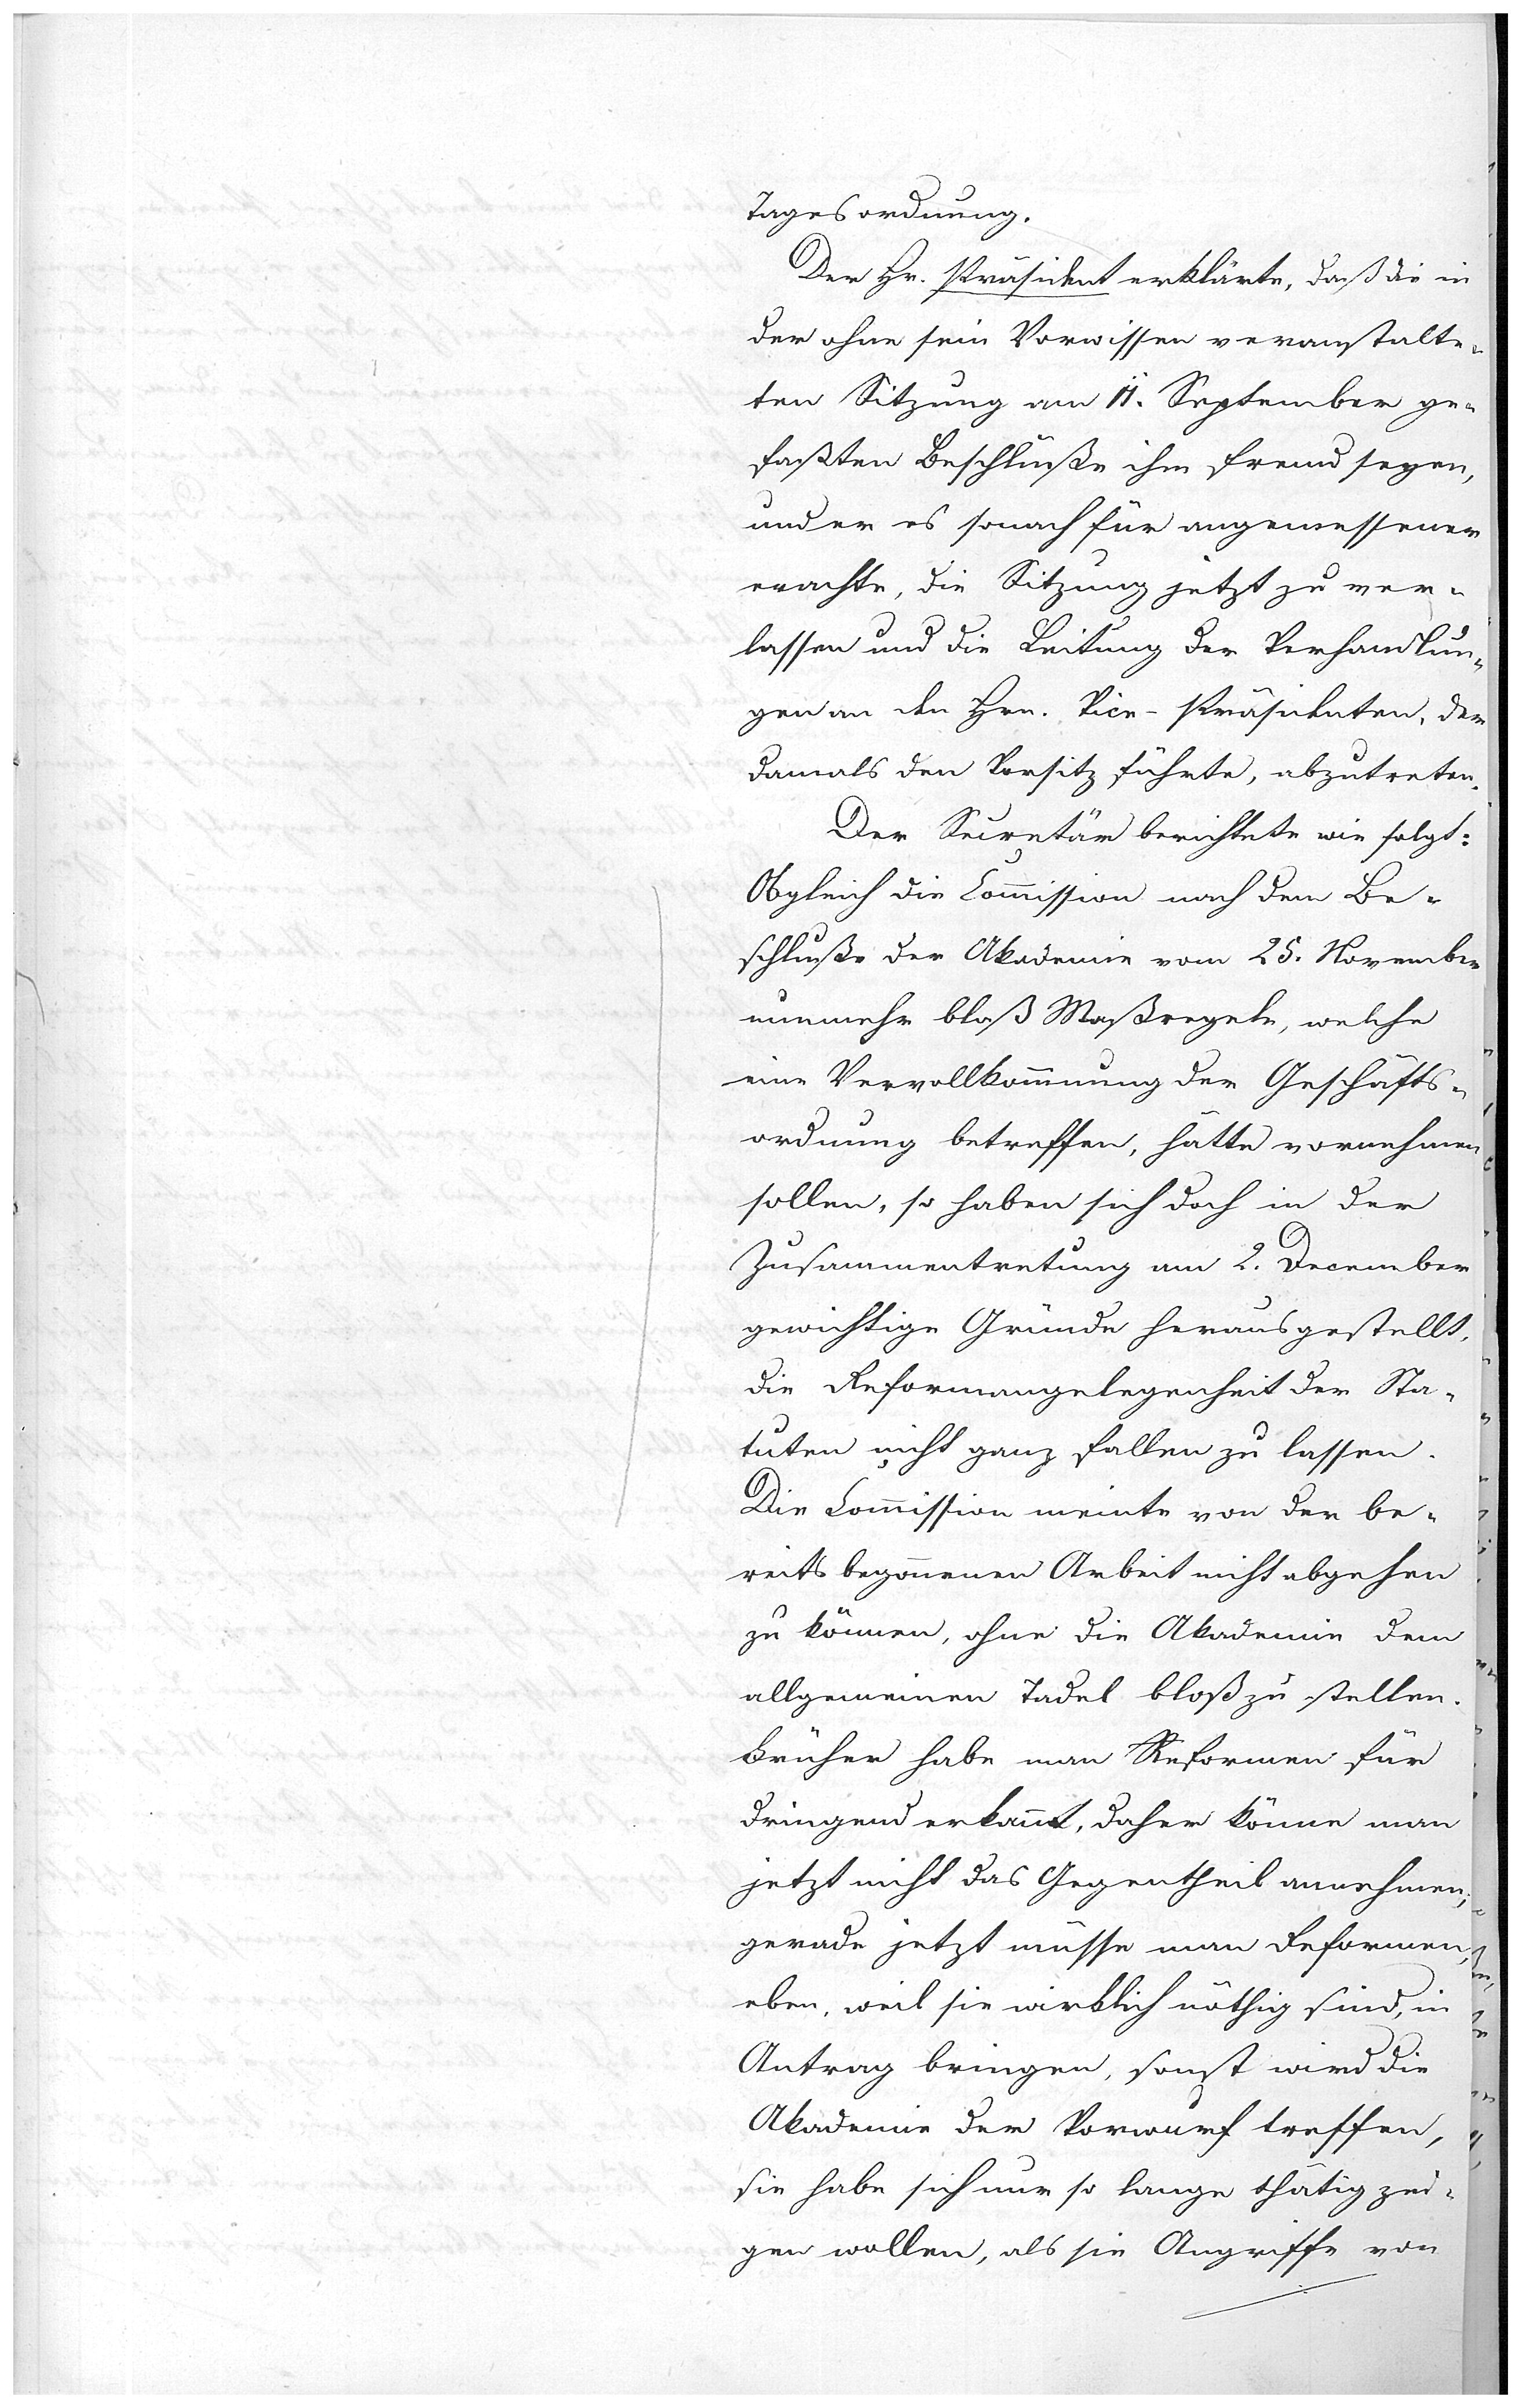Tagesordnung.
Der Hr. Präsident erklärte, daß die in
der ohne sein Vorwissen veranstalte-
ten Sitzung am 11. September ge-
faßten Beschlüße ihm fremd seyen,
und er es sonach für angemessener
erachte, die Sitzung jetzt zu ver-
lassen und die Leitung der Verhandlun-
gen an den Hrn. Vice-Präsidenten, der
damals den Vorsitz führte, abzutreten.
Der Secretär berichtet wie folgt:
Obgleich die Commission nach dem Be-
schluße der Akademie von 25. November
nunmehr bloß Maßregeln, welche
eine Vervollkommnung der Geschäfts-
ordnung betreffen, hätte vornehmen
sollen, so haben sich doch in der
Zusammentretung am 2. December
gewichtige Gründe herausgestellt,
die Reformangelegenheit der Sta-
tuten nicht ganz fallen zu lassen.
Die Commission meinte von der be-
reits begonnenen Arbeit nicht abgehen
zu können, ohne die Akademie dem
allgemeinen Tadel bloß zu stellen.
Früher habe nen Reformen für
dringend erkannt, daher könne man
jetzt nicht das Gegentheil annehmen,
gerade jetzt müsse man Reformen,
eben, weil sie wirklich nöthig sind, in
Antrag bringen, sonst wird die
Akademie der Vorwurf treffen
sie habe sich nur so lange thätig zei-
gen wollen, als sie Angriffe von